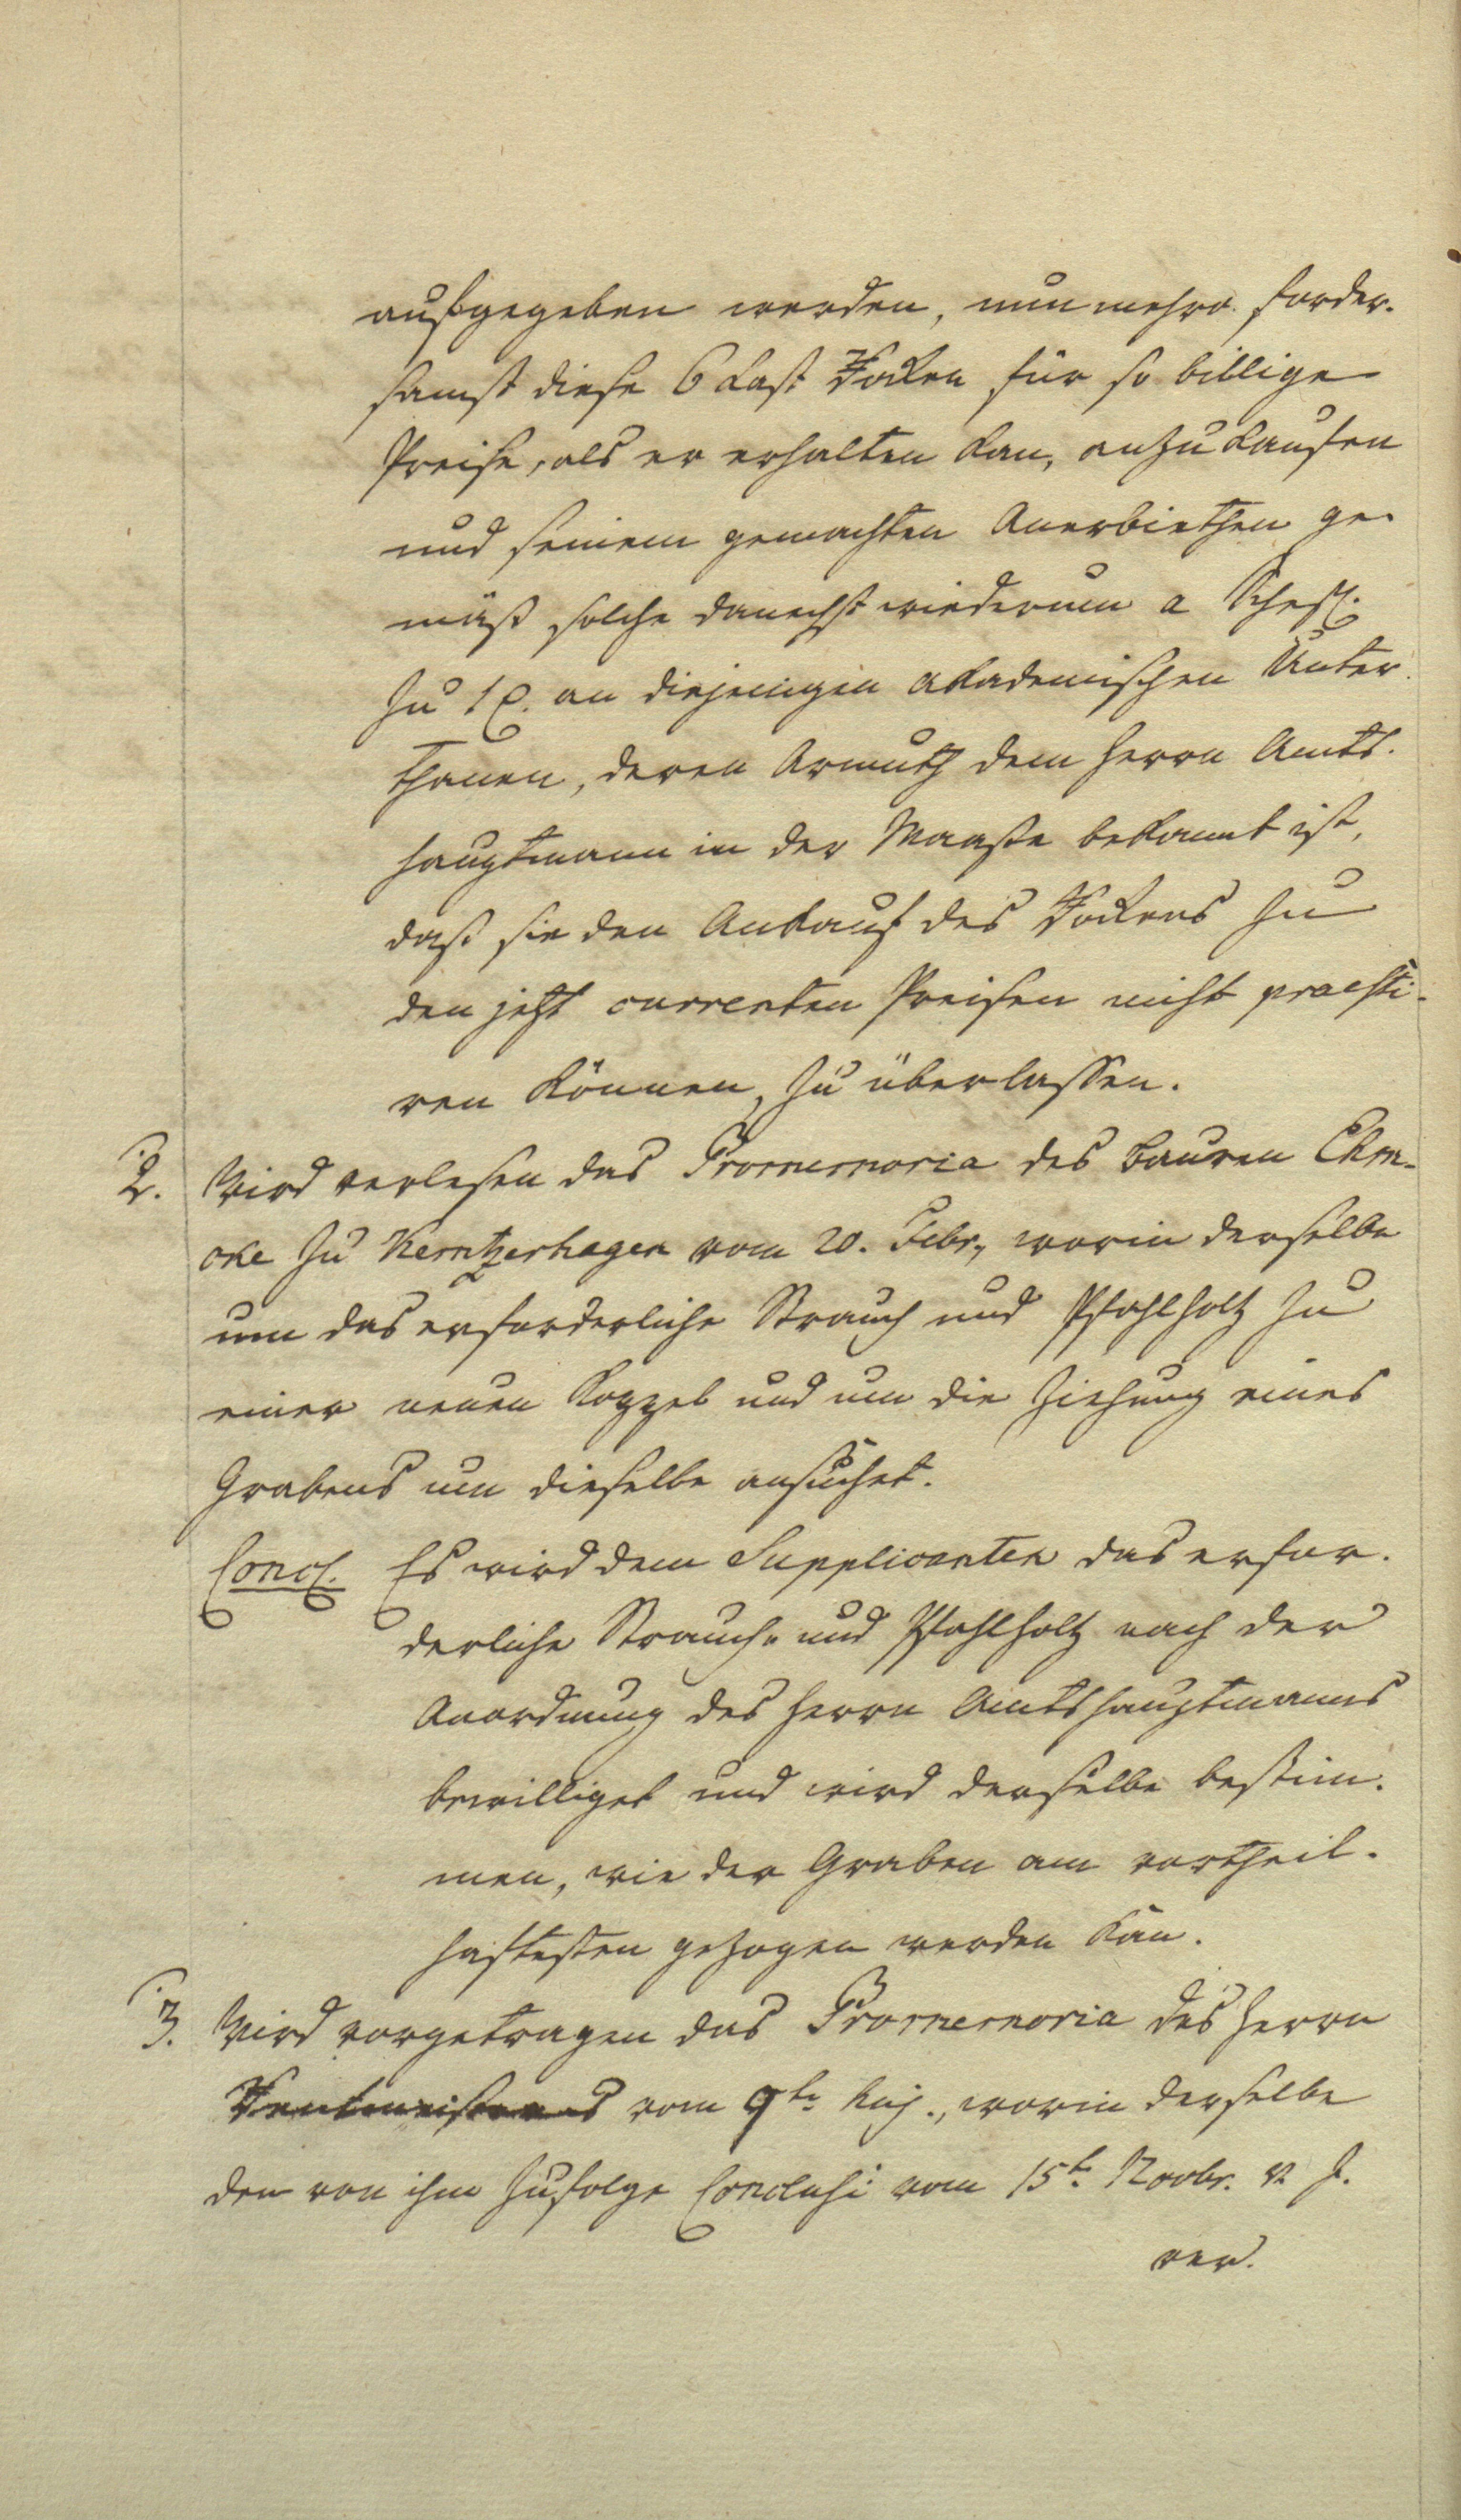aufgegeben werden, nunmehro forder¬
samst diese 6 Last Rocken für so billige
Preise, als er erhalten kan, anzukaufen
und seinem gemachten Anerbiethen ge¬
mäß solche danechst wiederum a Schefl.¬
zu 1 l. an diejenigen akademischen Unter¬
thanen, deren Armuth dem Herrn Amts¬
hauptmann in der Maaße bekannt ist,
daß sie den Ankauf des Rockens zu
den jetzt currenten Preisen nicht praesti¬
ren können, zu überlassen.
2. Wird verlesen des Promemoria des Bauren Ehm
cke zu Kemtzerhagen vom 20. Febr., worin derselbe
um das erforderlichen Strauch und Pfahlholz zu
einer neuen Koppel und um die Ziehung eines
Grabens um dieselbe ansuchet.
Concl. Es wird dem Supplicanten das erfor¬
derliche Strauch- und Pfahlholz nach der
Anordnung des Herrn Amtshauptmanns
bewilliget und wird derselbe bestim¬
men, wie der Graben am vortheil¬
haftesten gezogen werden kan.
4. Wird vorgetragen das Promemoria des Herrn
Rentmeisters vom 9 te huj., worin derselbe
den von ihm zufolge Conclusi vom 15 t Novbr. v. J.
ver